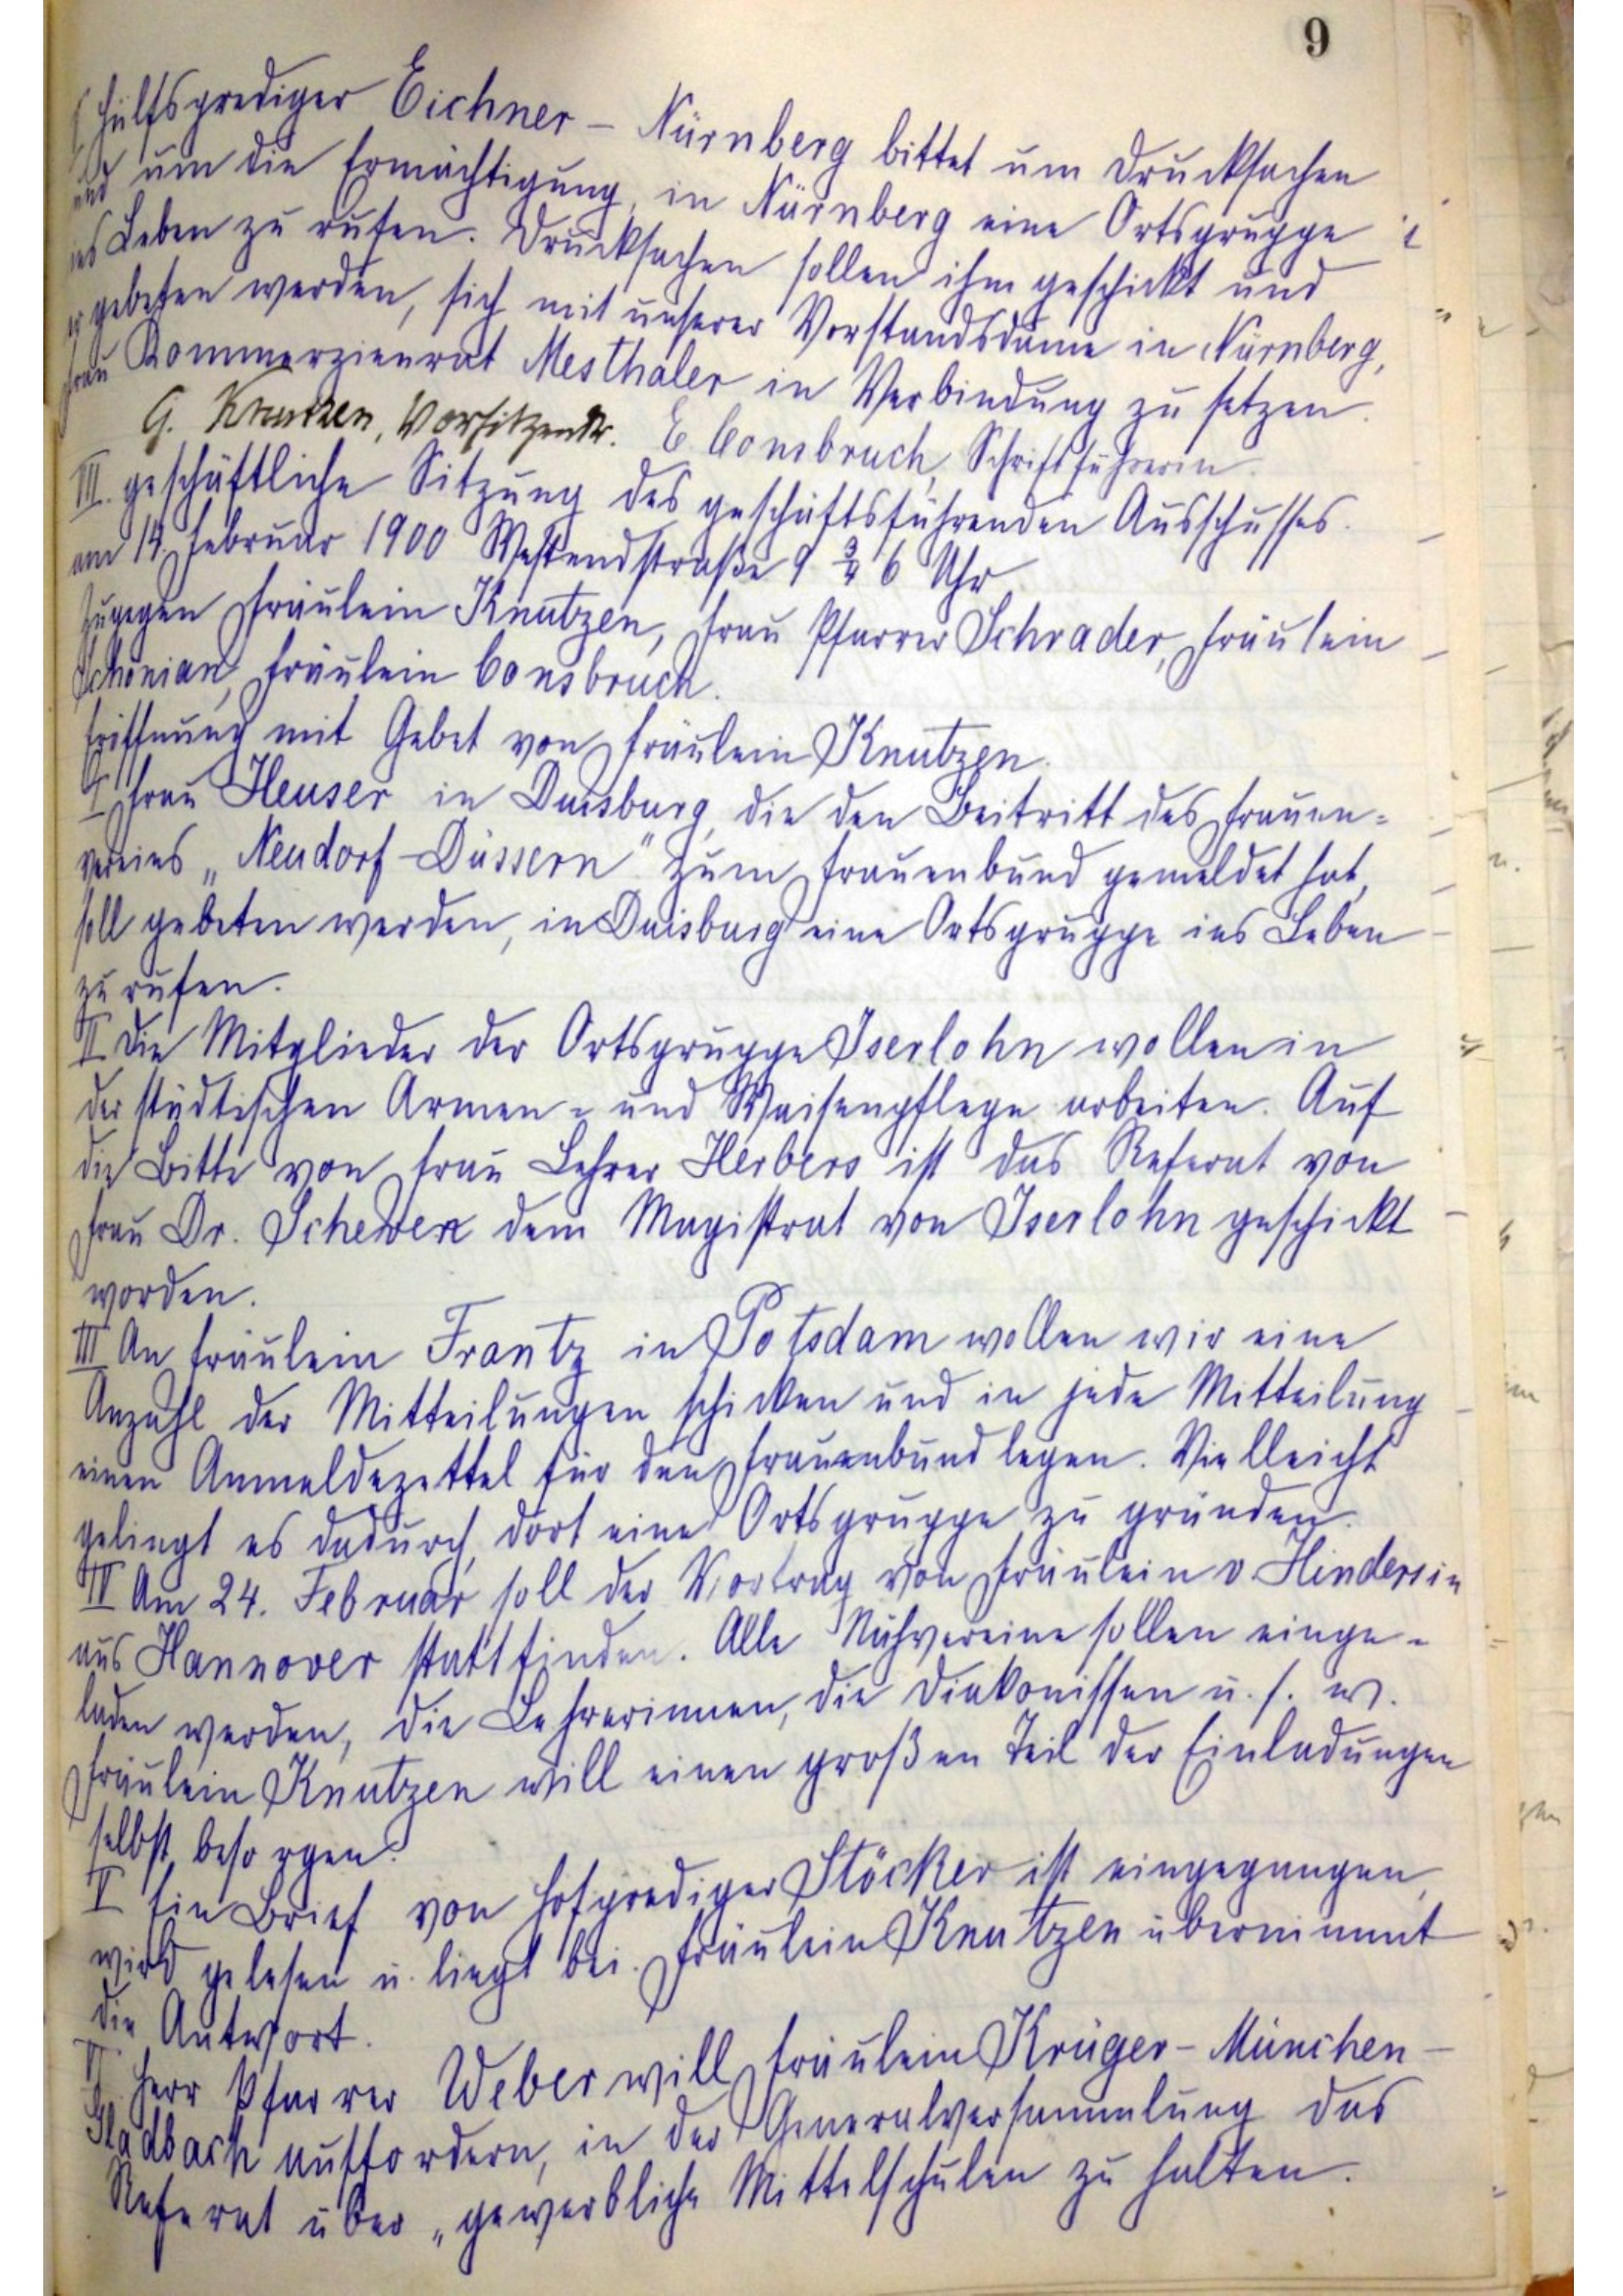V Hülfsprefiger Eichner – Nürnberg bittet um Drucksachen
und um die Ermächtigung in Nürnberg eine Ortsgruppe
ins Leben zu rufen. Drucksachen sollen ihm geschickt und
er gebeten werden, sich mit unserer Vorstandsdame in Nürnberg
Frau Kommerzienrat Mesthaler in Verbindung zu setzen.
G. Knutzen Vorsitzende E. Consbruck Schriftführerin
VII . geschäftliche Sitzung des geschäftsführenden Ausschusses
am 19. Februar 1900 Westendstraße 9 ¾6 Uhr
Zugegen: Fäulein Knutzen, Frau Pfarrer Schrader, Fräulein
Schönian, Fräulein Consbruck
Eröffnung mit Gebet von Fräulein Knutzen
I Frau Heuser in Duisburg, die den Beitritt des Frauen
vereins „Neudorf-Düssern“ zum Frauenbund gemeldet hat
soll gebeten werden in Duisburg eine Ortsgruppe ins Leben
zu rufen.
II Die Mitglieder der Ortsgruppe Iserlohn wollen in
der städtischen Armen- und Waisenpflege arbeiten. Auf
die Bitte von Frau Lehrer Herbers ist das Referat von
Frau Dr. Schehren dem Magistrat von Iserlohn geschickt
worden.
III Fräulein Frantz in Potsdam wollen wir eine
Anzahl der Mitteilungen schicken und in jede Mitteilung
einen Anmeldezettel für den Frauenbund legen. Vielleicht
gelingt es dadurch, dort eine Ortsgruppe zu gründen.
IV Am 24. Februar soll der Vortrag von Fräulein v. Hindersen
aus Hannover stattfinden. Alle Nähvereine sollen einge
laden werden, die Lehrerinnen, die Diakonissen u.s.w.
Fräulein Knutzen will einen großen Teil der Einladungen
selbst besorgen.
V Ein Brief von Hofprediger Stöcker ist eingegangen
wird gelesen und liegt bei. Fräulein Knutzen übernimmt
die Antwort.
VI Herr Pfarrer Weber will Fräulein Krüger - München-
Gladbach auffordern in der Generalversammlung das
Referat über „gewerbliche Mittelschulen" zu halten.